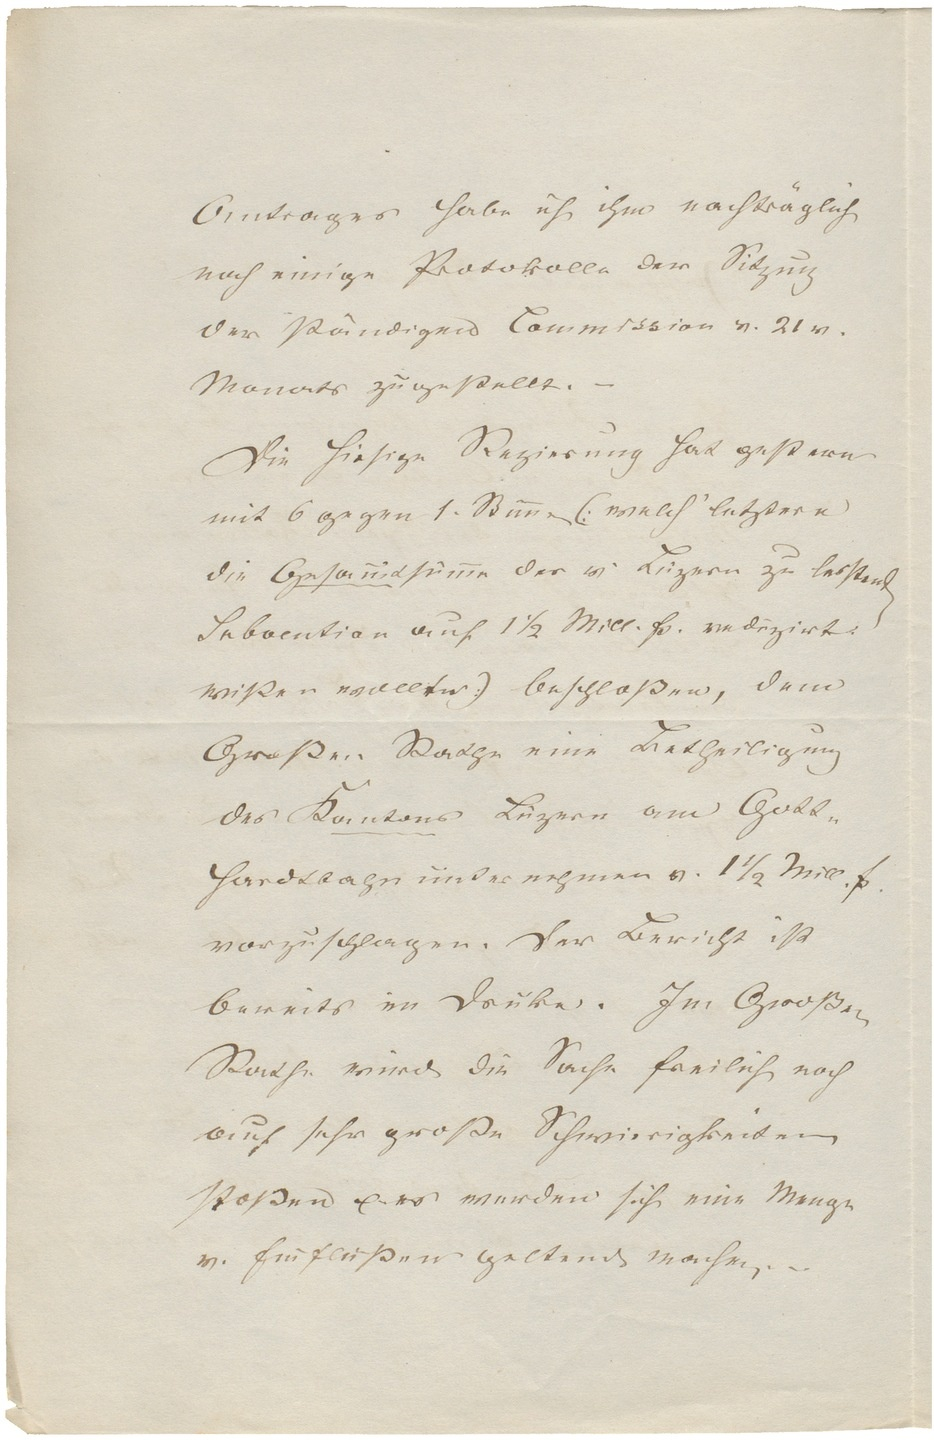Antrages habe ich ihm nachträglich
noch einige Protokolle der Sitzung
der ständigen Commission v. 21. v.
Monats zugestellt. –
Die hiesige Regierung hat gestern
mit 6 gegen 1. Stimmen (:welch' letztere
die Gesammtsumme der in Luzern zu leistenden
Subvention auf 1½ Mill fs. reduzirt
wißen wollte:) beschloßen, dem
Großen Rathe eine Betheiligung
des KantonsLuzern am Gott-
hardtbahnunternehmen v. 1½ Mill. fs.
vorzuschlagen. Der Bericht ist
bereits im Druke. Im Großen
Rathe wird die Sache freilich noch
auf sehr große Schwierigkeiten
stoßen & es werden sich eine Menge
v. Einflüßen geltend machen. –